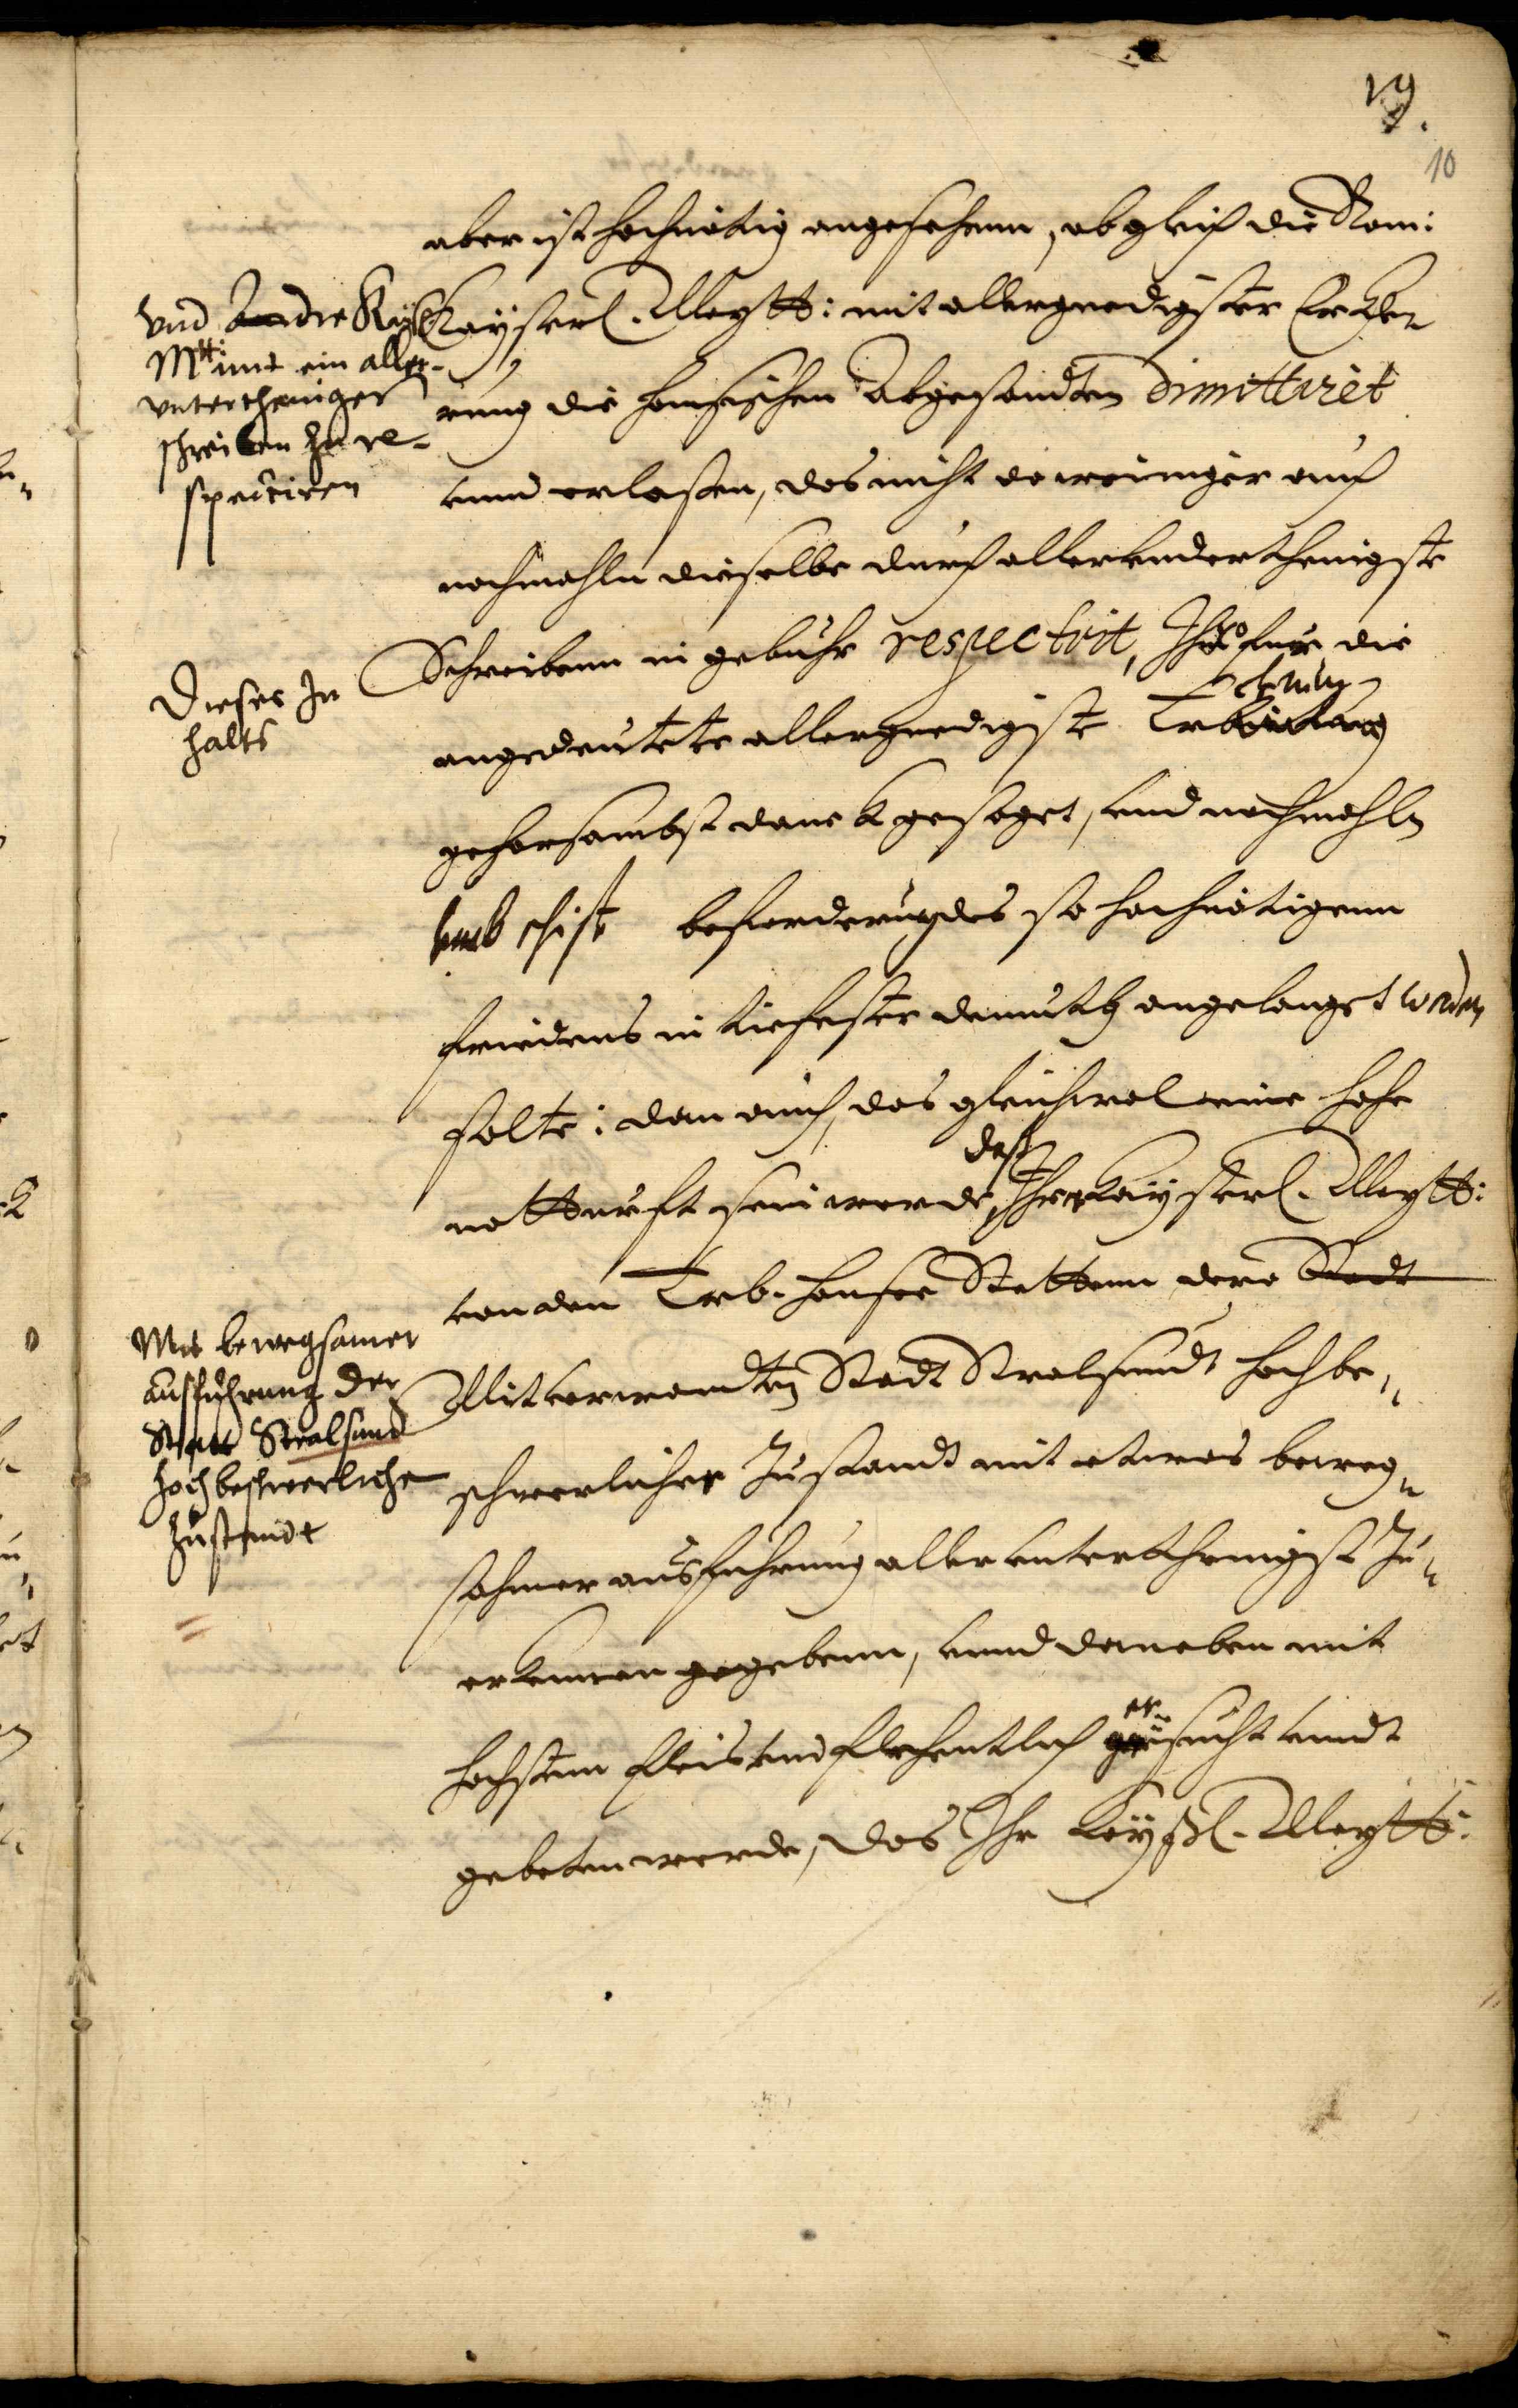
19
aber ist hochnötig angesehenn, obgleich die Rom:
Keijserl. Maytt: mit allergnedigster Erkle¬
rung die hansischen Abgesandten dimittiret
vnnd erlaßen, das nicht do weiniger auch
nochmahln dieselbe durch allervnderthenigste
Schreibenn in gebuhr respectirt, Ihn Xo fur die
clerung
angedeutete allergnedigste Erbietung
gehorsambst danck gesaget, vnd nochmahln
vmb thist beforderung des so hochnötigenn
friedens in tiefester demuth angelanget werden
solte: dan auch, das gleichwol eine hohe
daß
notturft sein werde, Ihre Kaijßerl. Maytt:
von den Erb. hansee Stettenn dero Stadt
Mitverwandten Stadt Stralsundt hochbe¬
schwerlicher zustandt mit etwas beweg¬
sahmer ausfuhrung aller vnterthenigst zu¬
erkennen gegebenn, vnnd daneben mit
er
hochstem fleis vnd flehentlich gesucht vnndt
gebeten werde, das Ihr Kaijßl. Maytt:
vnd Andie Kaijsl.
Mtt: mit ein aller¬
vntertheniges
schreiben zu re¬
spectiren
Dieses In
halts
Mit bewegsamer
ausfuhrung der
Statt Stralsund
hochbeschwerlichen
zustandt
